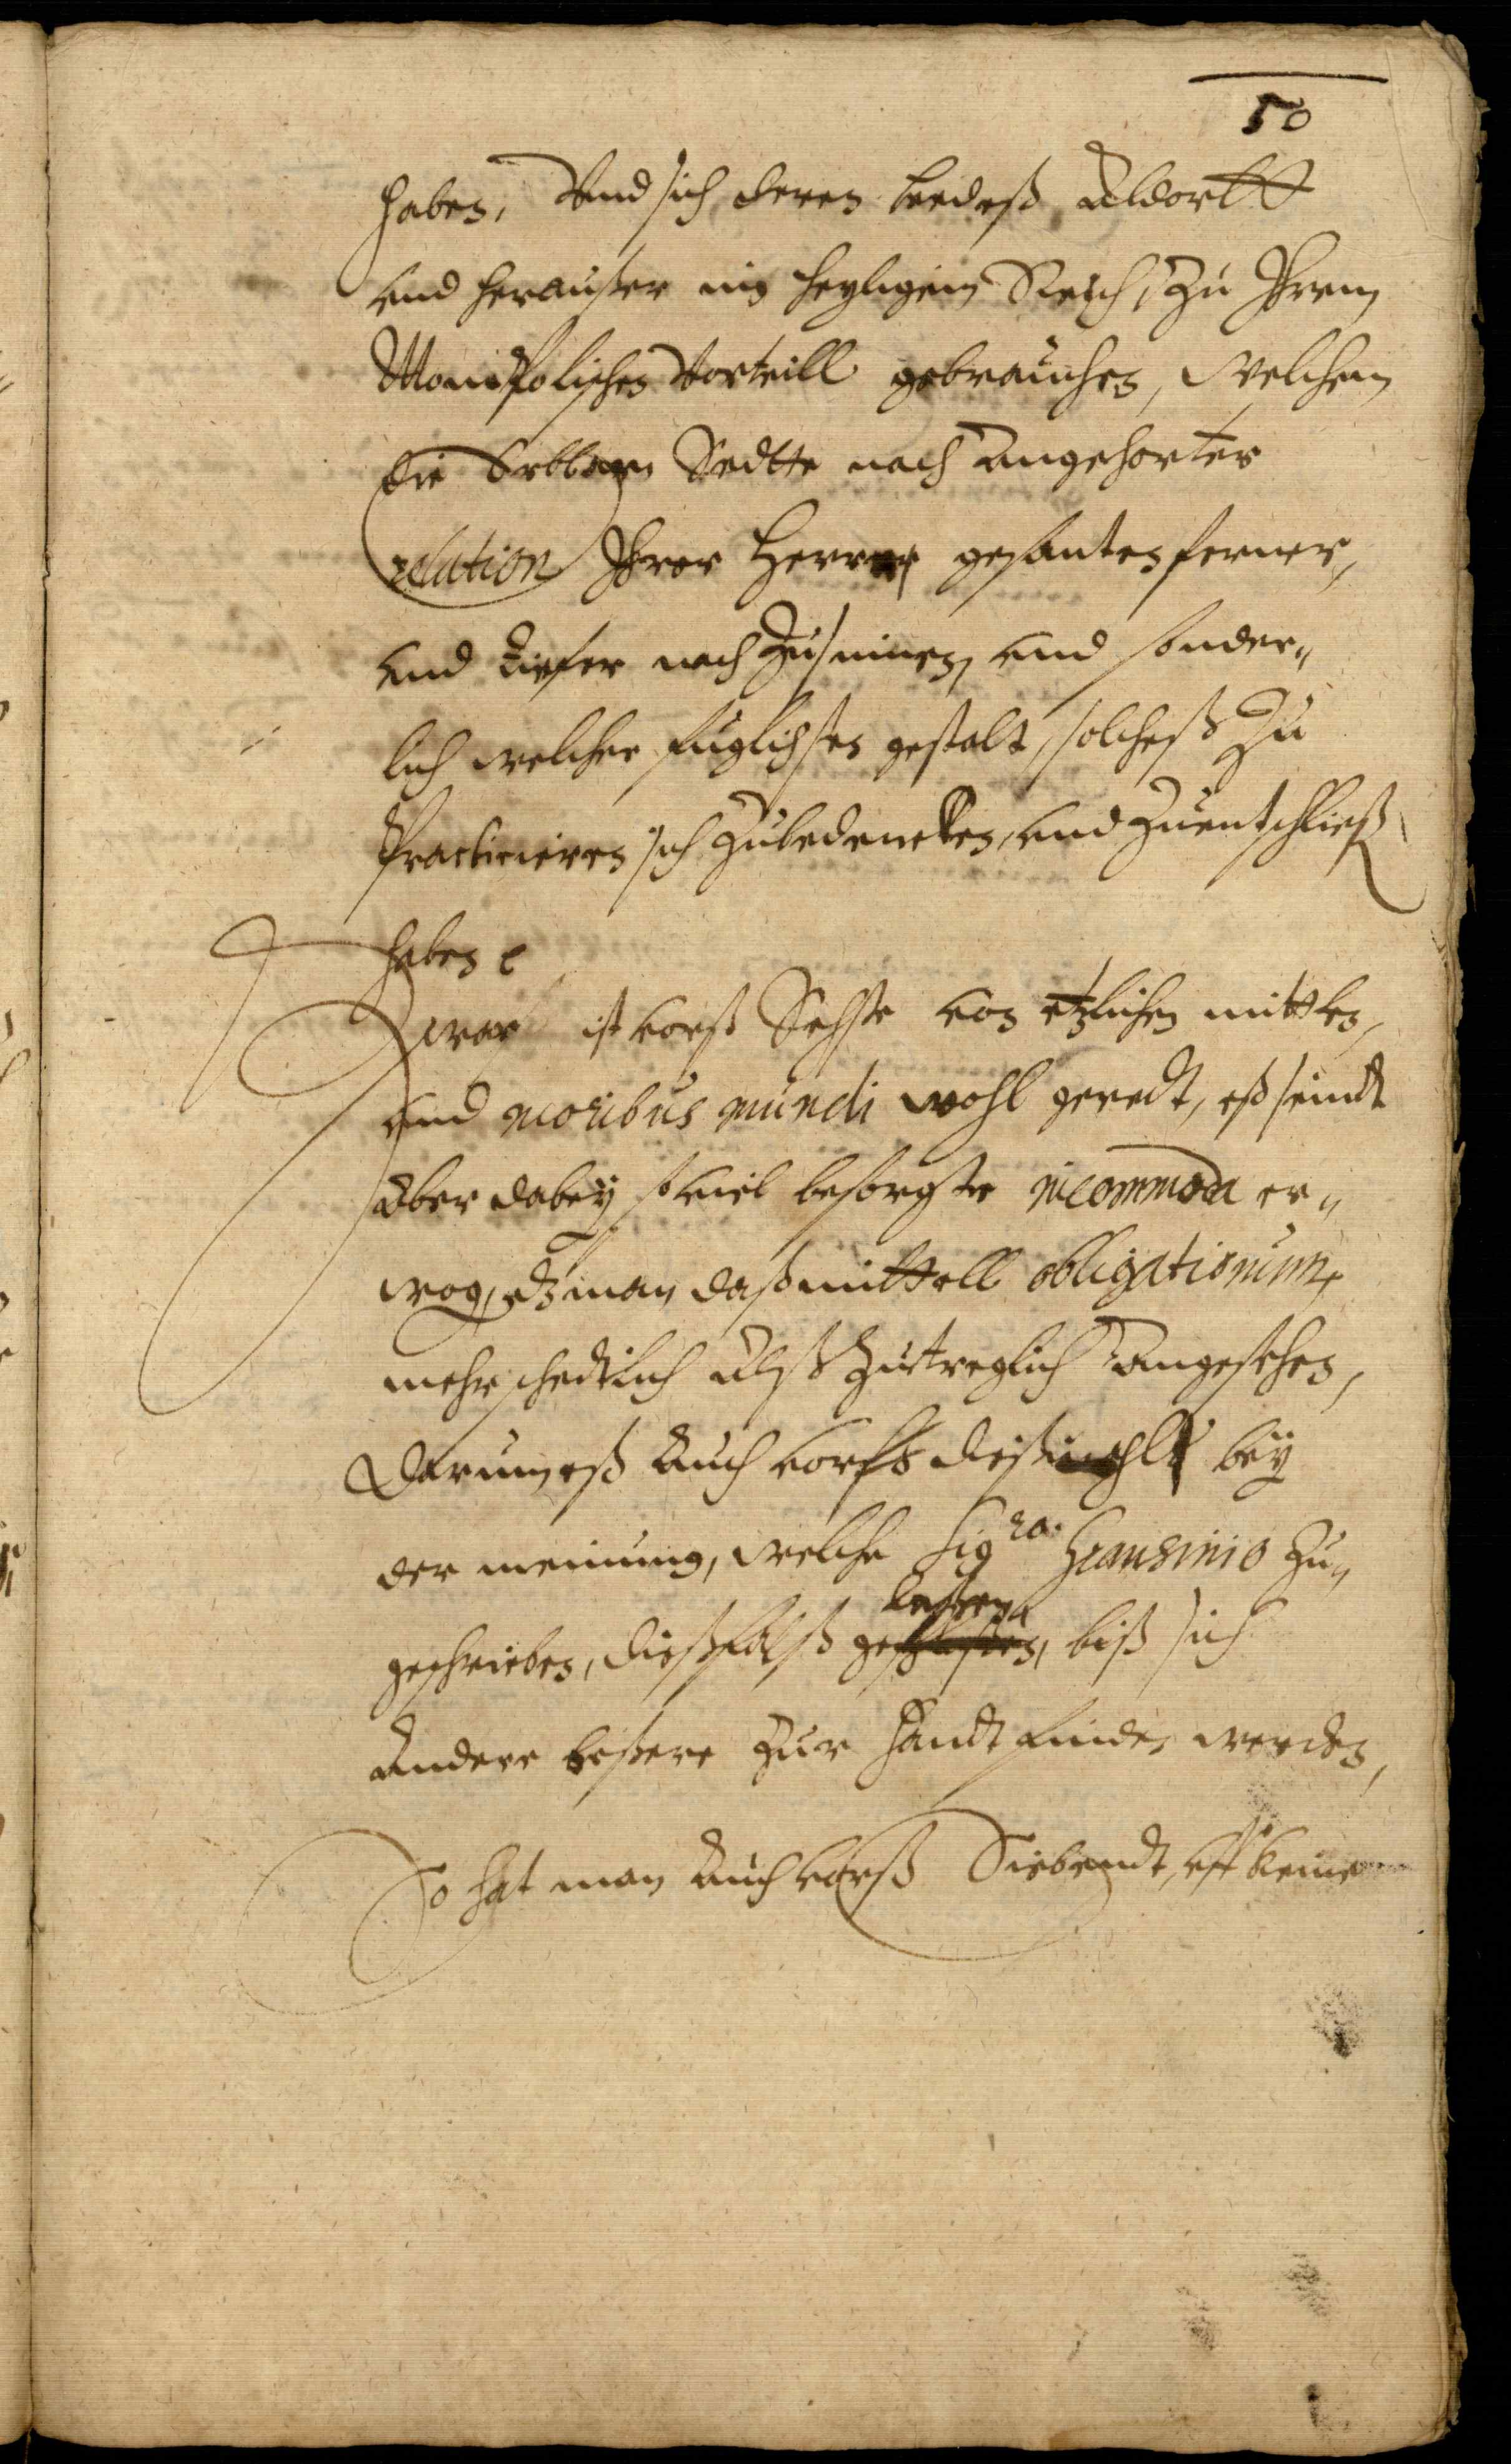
50
haben, Vnd sich deren Landeß Aldortt
vnd heraußer im heyligen Rath, zu Ihrem
Monopolischen Vorteill gebrauchen, welchem
die Erbbarn Sedtte nach Angehorter
relation Ihrer Herrer gesanten ferner,
vnd tiefer nach zusinnen, vnd sonder¬
lich welcher fuglichsten gestalt, solcheß zu
Practirieren sich zubedencken, vnd zuentschließen
haben p
Zwar ist vorß Sehste von etzlichen mittlen,
vnd moribus puncti wohl geredt, eß seindt
aber dabeij so viel besorgte incommoda er¬
wogen, das man daß mittell obligationum,
mehr schedtlich Alß zutreglich Angesehen,
darum eß auch vorfs dißmahls beij
der meinung, welche Sigro Gransinio zu¬
geschrieben, dißfalß gefaßenlaßen, biß sich
andere beßere zur handt finden werden,
So hat man Auch vorß Siebendt, vff keine
